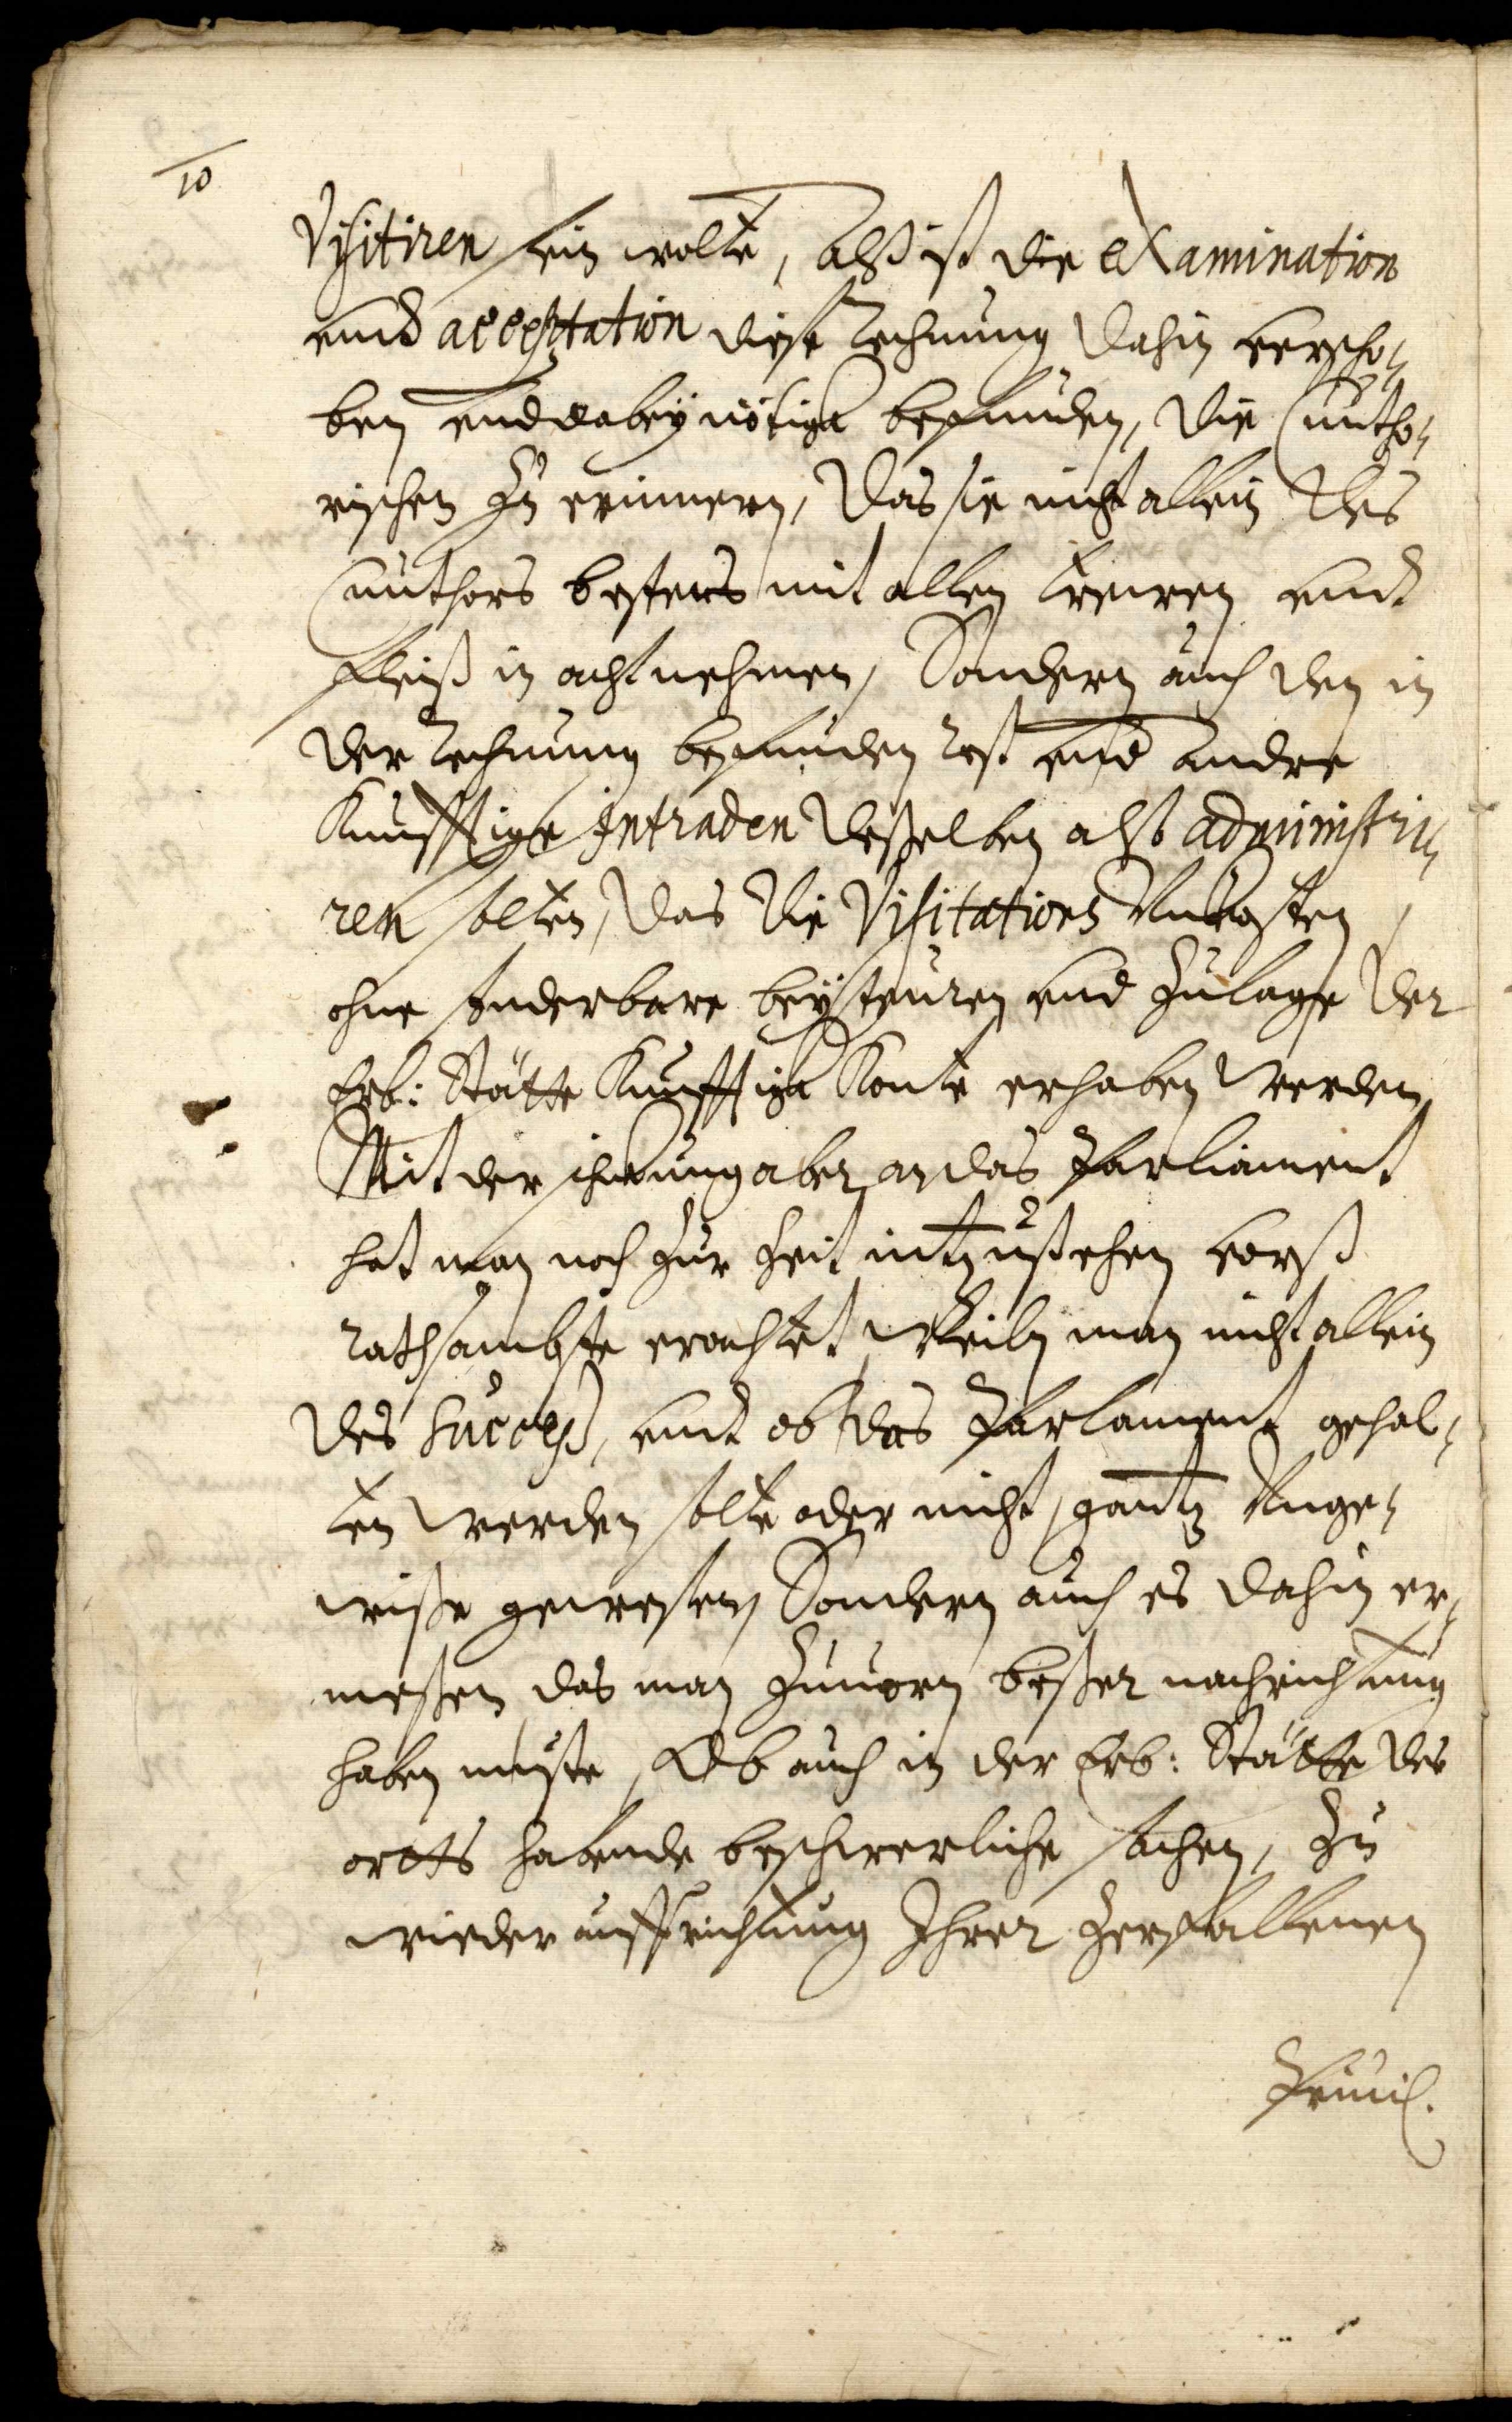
10
visitiren sein wolte, alß ist die examination
vndt acceptation diese rechnung dahin verscho¬
ben und dabeij nötigk befunden, die Cuntho¬
rischen Zu erinnern, das sie nicht allein des
Cunthors besters mit allen trewen vndt
fleiß in acht nehmen, Sondern auch den in
der rechnung befunden rest vnd ander
kunfftige Intraden deßelben also administri¬
ren solten, das die Visitations Vnkosten
ohne sonderbare beijsteuren vnd Zulage der
Erb: Stätte kunfftigk konte erhoben werden
Mit der schickung aber an das Parliament
hat man noch Zur Zeit intzustehen vorß
rathsambste erachtet weiln man nicht allein
des success vndt ob das Parlament gehal¬
ten werden solte oder nicht, gantz Vnge¬
wiße gewesen, Sondern auch es dahin er¬
meßen das man Zuuorn beßer nachrichtung
haben muste, Ob auch in der Erb: Stätte des
ortts habende beschwerliche sachen, Zu
wieder auffrichtung Ihrer Zerfallenen
Priuil.
